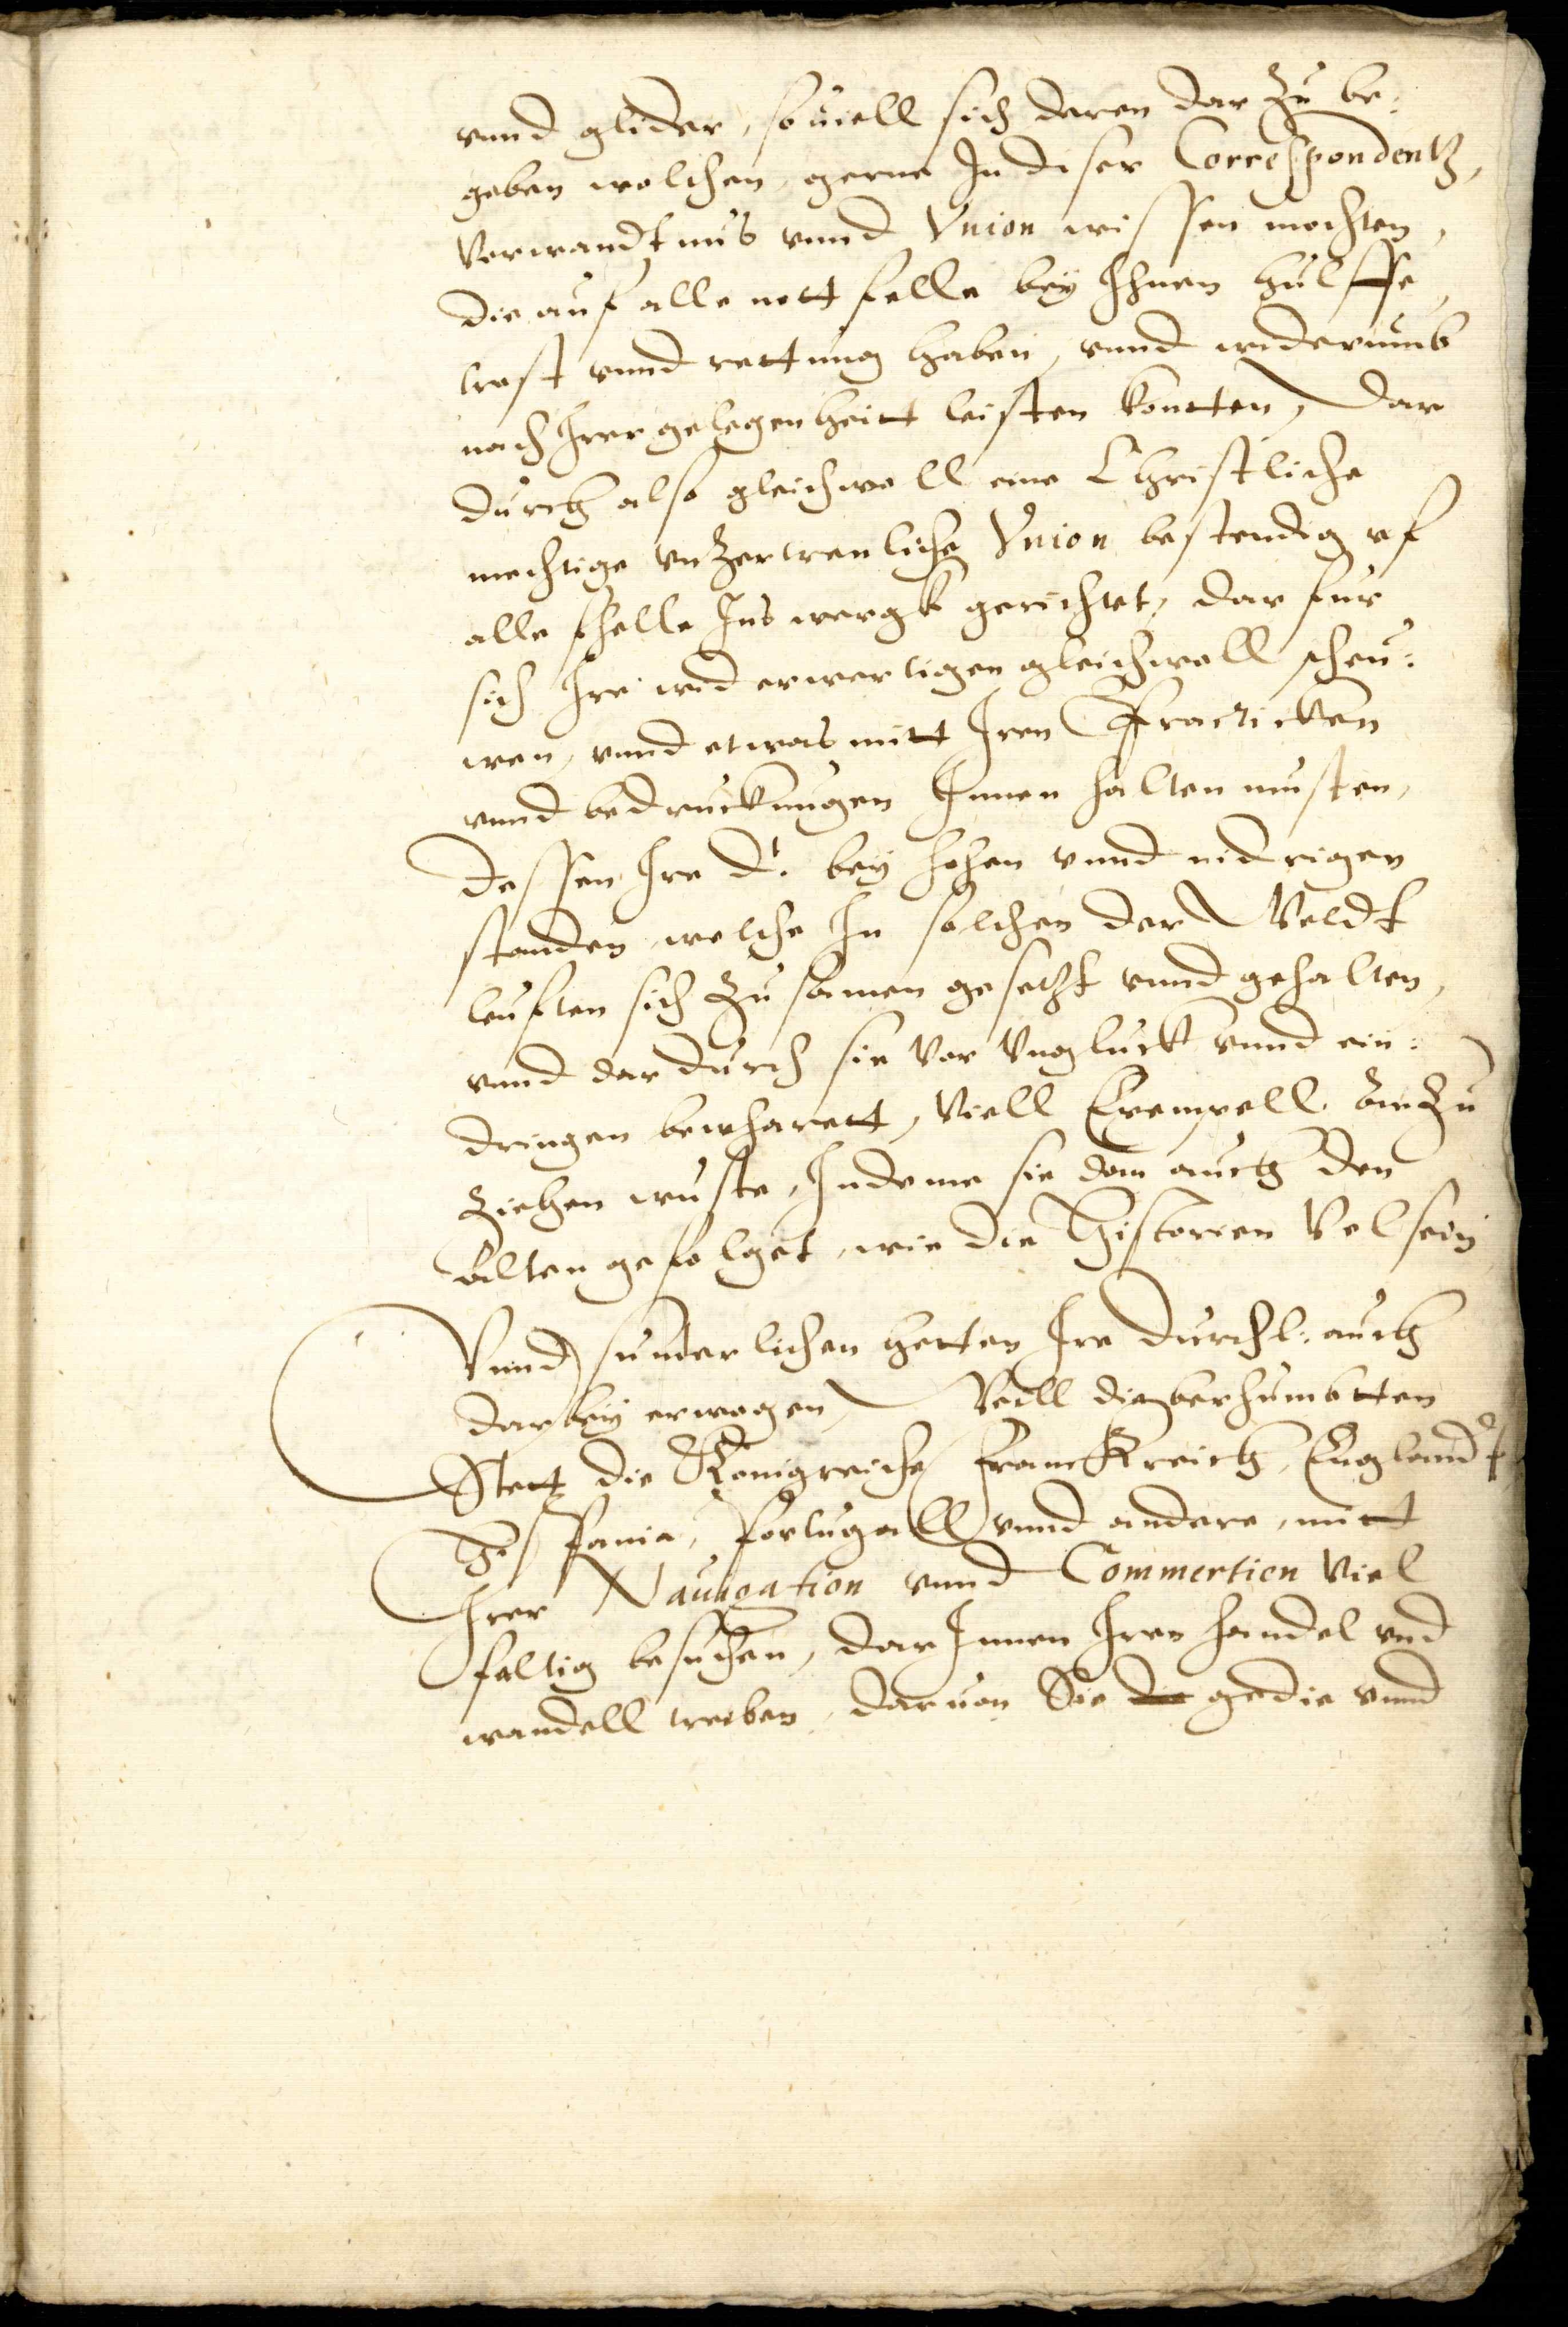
vnnd glider, souiell sich deren dar zu be¬
geben wolthen, gernn Jn diser Correspondentz,
Vorwandtnus vnnd Vnion wissen mochten,
die auf alle nottfelle beij Jhnen hulffe,
trost vnnd rettung haben, vnnd widerumb
nach Jrer gelegenheitt leisten kontten, dar
durch also gleichwoll eine Christliche
mechtige vnzertrenliche Vnion bestendig vf
alle fhelle Jns wergk gerichtet, darfur
sich Jre widerwertigen gleichwoll scheu¬
wen, vnnd etwas mitt Jren Practicken
vnd bedruckungen Jnnen halten musten ,
dessen Jre D. beij hohen vnnd nidrigen
standen, welche Jn solchen der Weldt
leuften sich zusamen gesetzt vnd gehalten,
vnnd dardurch sie vor vngluck vnnd ein¬
dringen bewharett, viell Exempell anzu
ziehen wuste, Jndeme sie dan auch den
Alten gefolget, wie die Historien vol sein
Vnd sunderlichen hetten Jre Durchl: auch
darbeij erwogen, Weill die berhumbtten
Stett die Konigreiche Franckreich, Englandt
Hispania, Portugall vnnd andere, mitt
Jrer Nauigation vnnd Commertien viel
faltig besuchen, dar Jnnen Jren handel vnd
wandell treiben, daruon Sie die gedie vnnd
